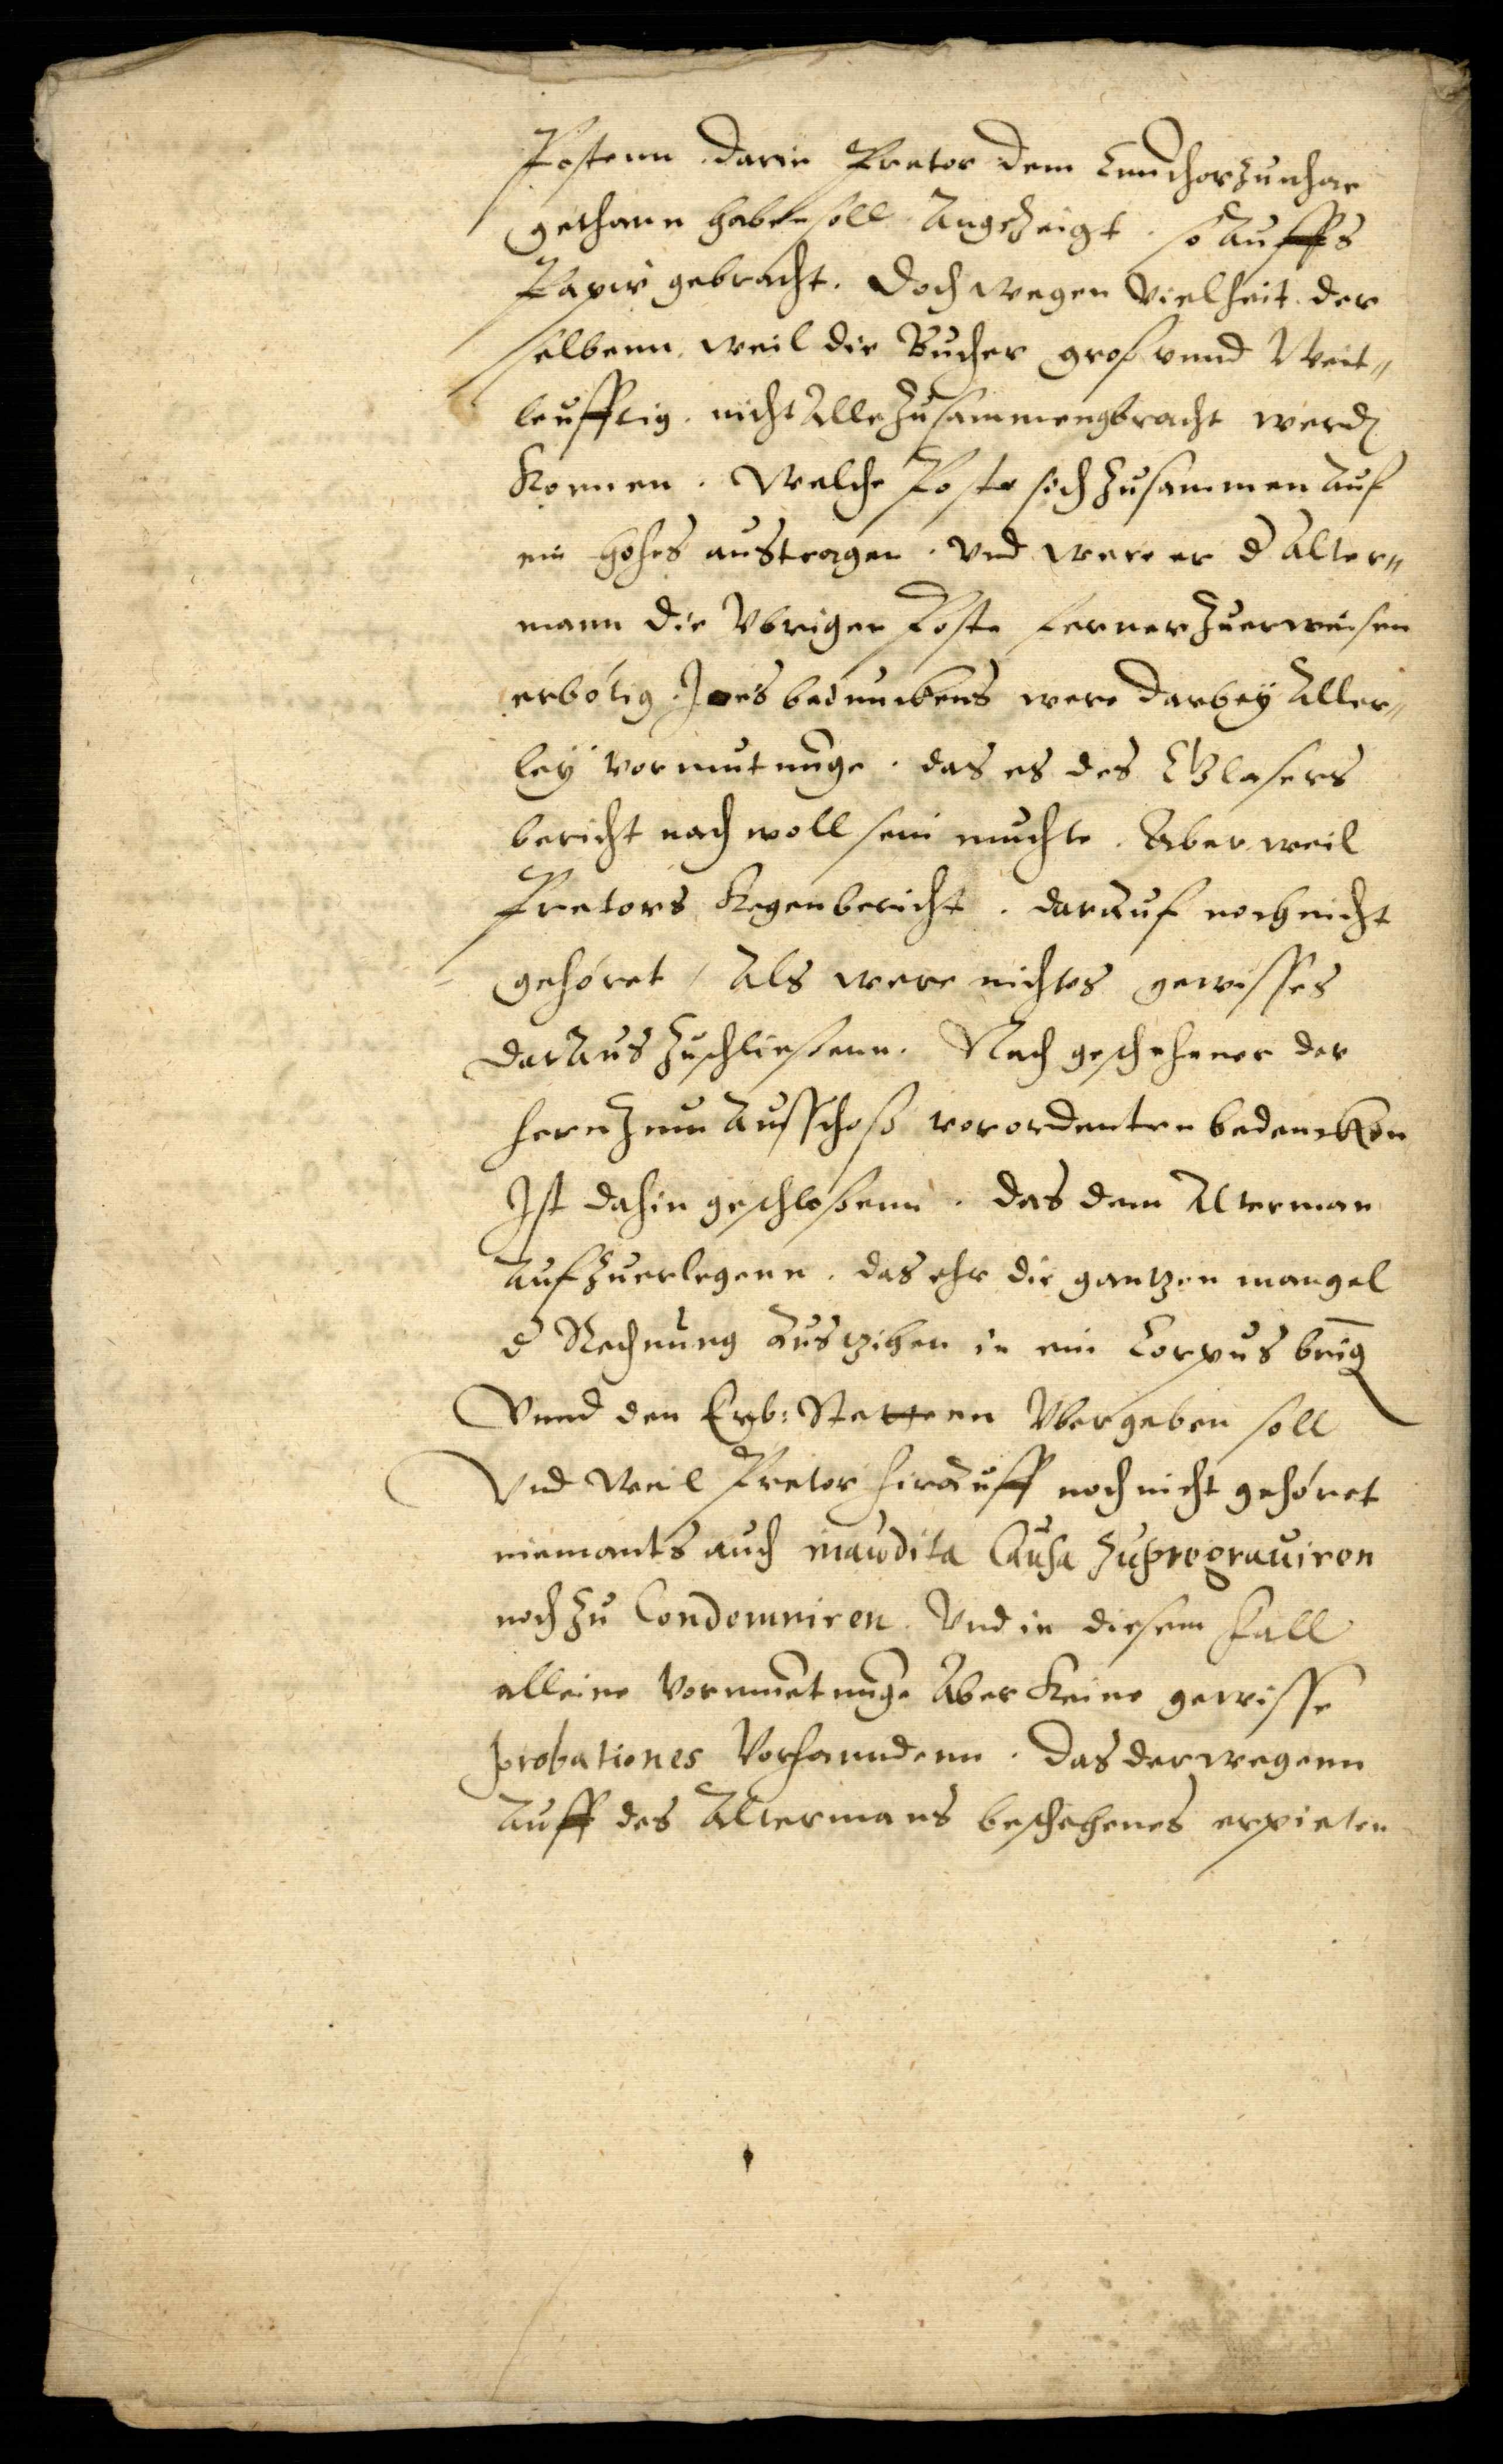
Postenn, darin Pretor dem Cunthor zu ehre
gethann Haben soll Angezeigt so Auffs
Papir gebracht, Doch wegen vielheit der
selbenn, weil die Bucher groß vnnd Weit¬
leufftig, nicht Alle Zusammengbracht werden
konnen, Welche Poste sich zusammen Auf
ein Hohes austragen, vnd were er der Alter¬
mann die Vbrigen Poste ferner Zuerweisen
erbotig, Ires bedunckens were darbeij Aller¬
leij vormutunge, das es des Glasers
bericht nach woll sein muchte, Aber weil
Pretors Kegenbericht, darauf noch nicht
gehoret, Als were nichtes gewisses
daraus zuschließenn, Nach geschehener der
hern Zum Ausschoß verordenten bedencken
Ist dahin geschloßenn, das dem Alterman
Aufzuerlegenn, das ehr die gantzen mangel
der Rechnung Austzihen in ein Corpus bringen
Vnnd den Erb: Stettenn Vbergeben soll
Vnd weil Pretor hirauff noch nicht gehöret
niemants auch maudita Causa zuprograuiren
noch zu Condemniren, Vnd in diesem Fall
alleine Vormuetunge Aber keine gewisse
probationes Vorhanndenn, Das derwegenn
Auff des Altermans beschehenes erpieten
